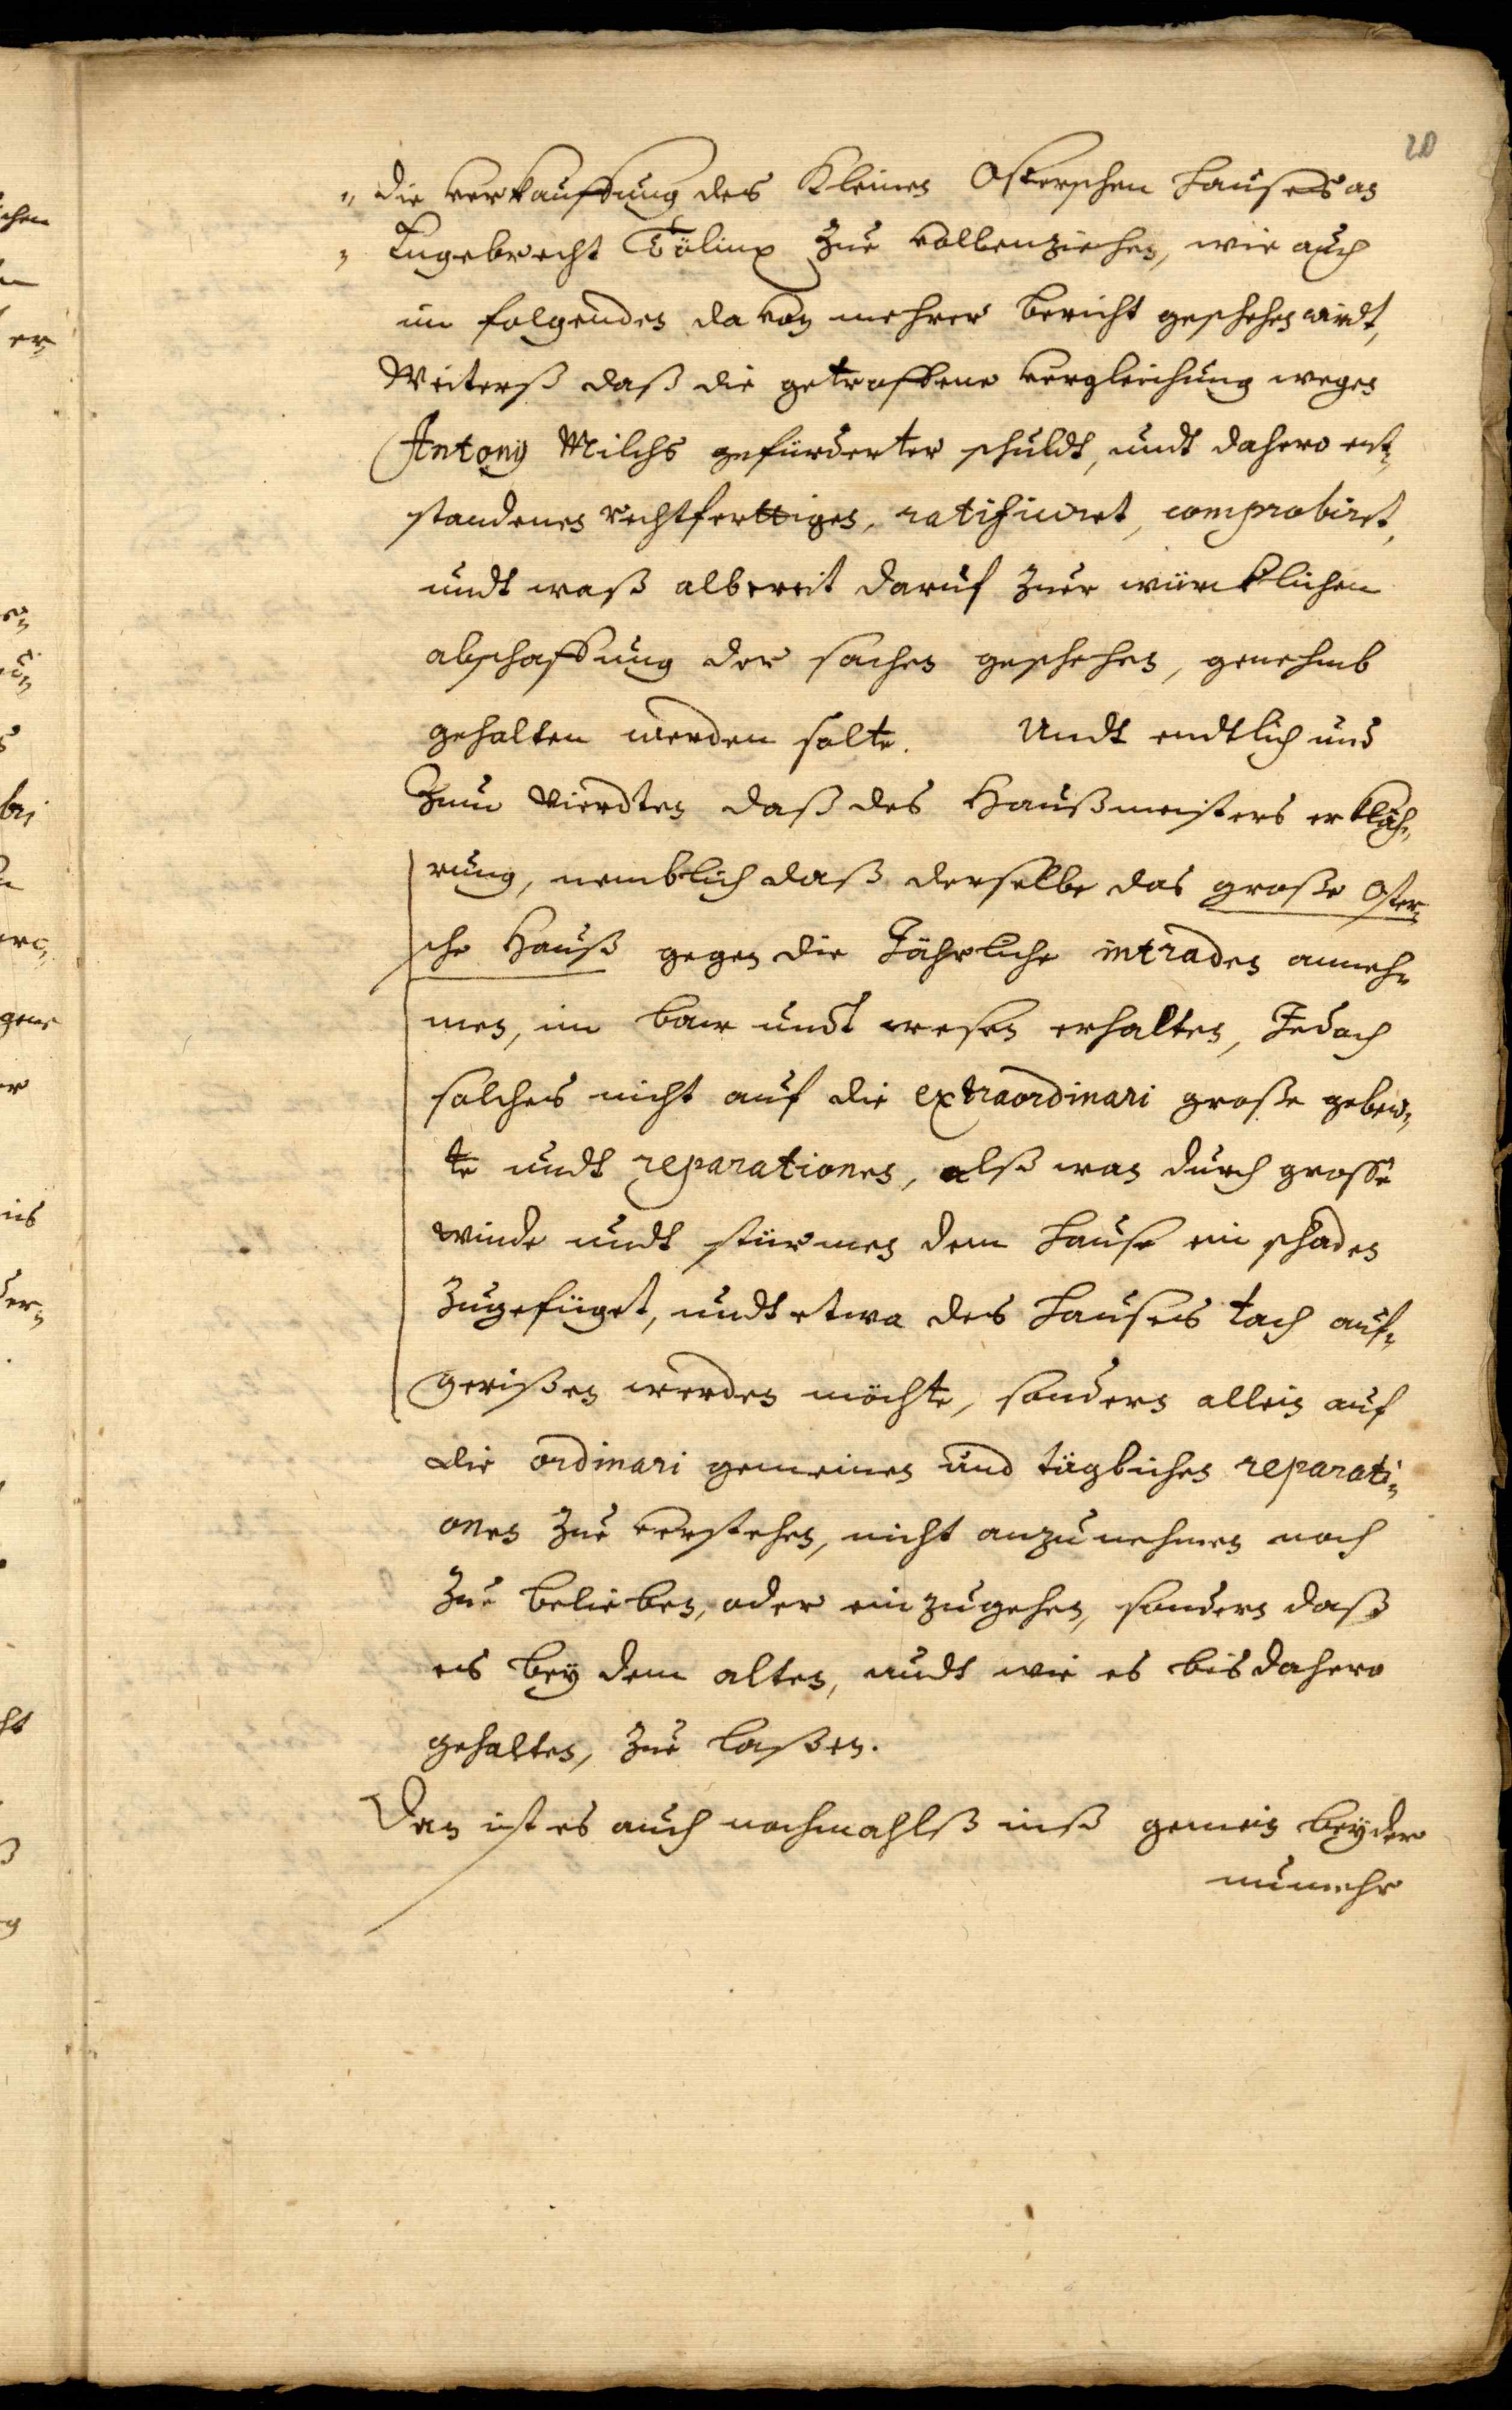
die verkauffung des Kleinen Osterschen Hauses an
Engebrecht Tölinx zue vollenziehen, wie auch
im folgenden da von mehrer bericht geschehen wirdt,
Weiterß daß die getroffene vergleichung wegen
Antonij Milchs gefürderter schuldt, undt dahero ent¬
standenen rechtferttigen, ratificiret, comprobiret,
undt waß albereit daruf zuer würcklichen
abschaffung der sachen geschehen, genehmb
gehalten werden solte. Undt endtlich und
zum Vierdten daß des Haußmeisters erkläh¬
rung, nemblich daß derselbe das große Oster¬
sche Hauß gegen die Jährliche intraden anneh¬
men, im bar undt wesen erhalten, Iedoch
solches nicht auf die extraordinari große gebew¬
te undt reparationen, alß wan durch grosse
winde undt stürmen dem hause ein schaden
zugefüget, undt etwa des hauses tach auf¬
gerißen werden möchte, sondern allein auf
die ordinari gemeinen und täglichen reparati¬
onen zue verstehen, nicht anzunehmen nach
zu belieben, oder einzugehen, sondern daß
es beij dem alten, undt wie es bis dahero
gehalten, zue laßen.
Dan ist es auch nochmahlß inß gemein beij der
numehr
